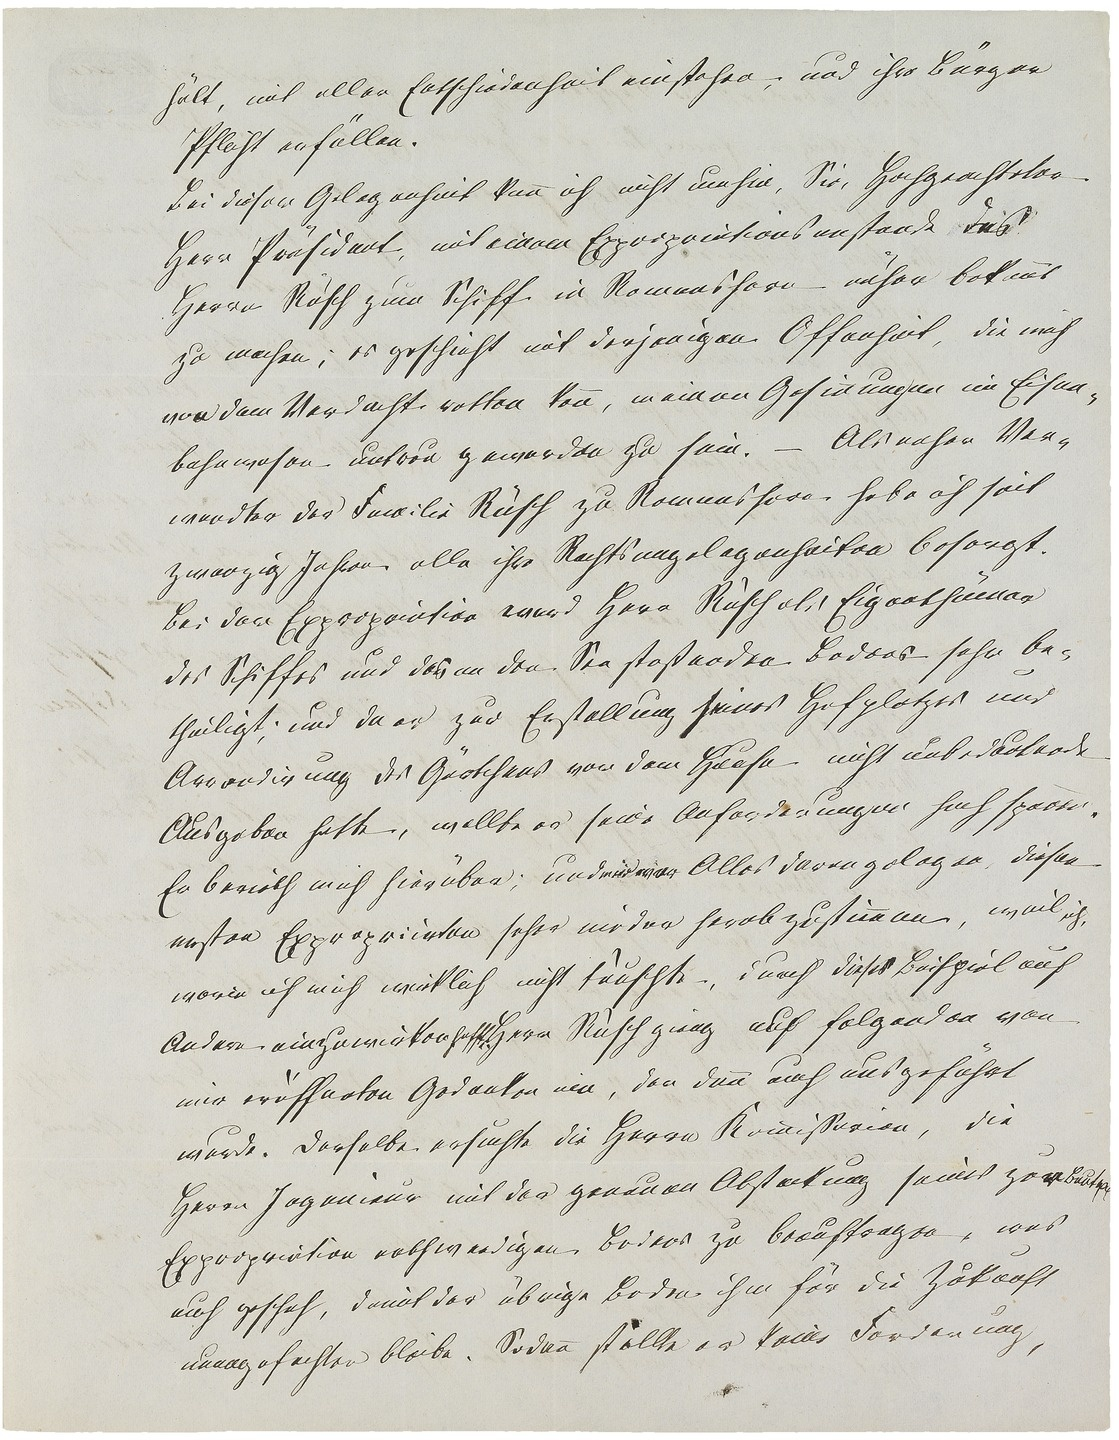hält, mit aller Entschiedenheit einstehen, und ihre Bürger
Pflicht erfüllen.
Bei dieser Gelegenheit kann ich nicht umhin, Sie, Hochgeachteter
Herr Präsident, mit einem Expropriationsanstande des
Herrn Rüsch zum Schiff in Romanshorn näher bekannt
zu machen; es geschieht mit derjenigen Offenheit, die mich
vor dem Verdacht retten kann, meinen Gesinnungen im Eisen-
bahnwesen untreu geworden zu sein. – Als naher Ver-
wandter der Familie Rüsch zu Romanshorn habe ich seit
zwanzig Jahren alle ihre Rechtsangelegenheiten besorgt.
Bei der Expropriation ward Herr Rüsch als Eigenthümer
des Schiffes und des an den See stoßenden Bodens sehr be-
theiligt; und da er zur Erstellung seines Hofplatzes und
Arrondirung des Gärtchens vor dem Hause nicht unbedeutende
Ausgaben hatte, wollte er seine Anforderungen hoch spannen.
Er berieth mich hierüber; und mir war Alles daran gelegen, diesen
ersten Expropriirten seher nieder herabzustimmen, weil ich,
worin ich mich wirklich nicht täuschte, durch dieses Beispiel auf
Andere einzuwirken hoffte. Herr Rüsch ging auf folgenden von
mir eröffneten Gedanken ein, der dann auch ausgeführt
wurde. Derselbe ersuchte die Herrn Kommisarien, die
Herrn Ingenieur mit der genauen Absteckung seines zur Baute
Expropriation nothwendigen Bodens zu beauftragen, was
auch geschah, damit der übrige Boden ihm für die Zukunft
unangefochten bleibe. Sodann stellte er keine Forderung,